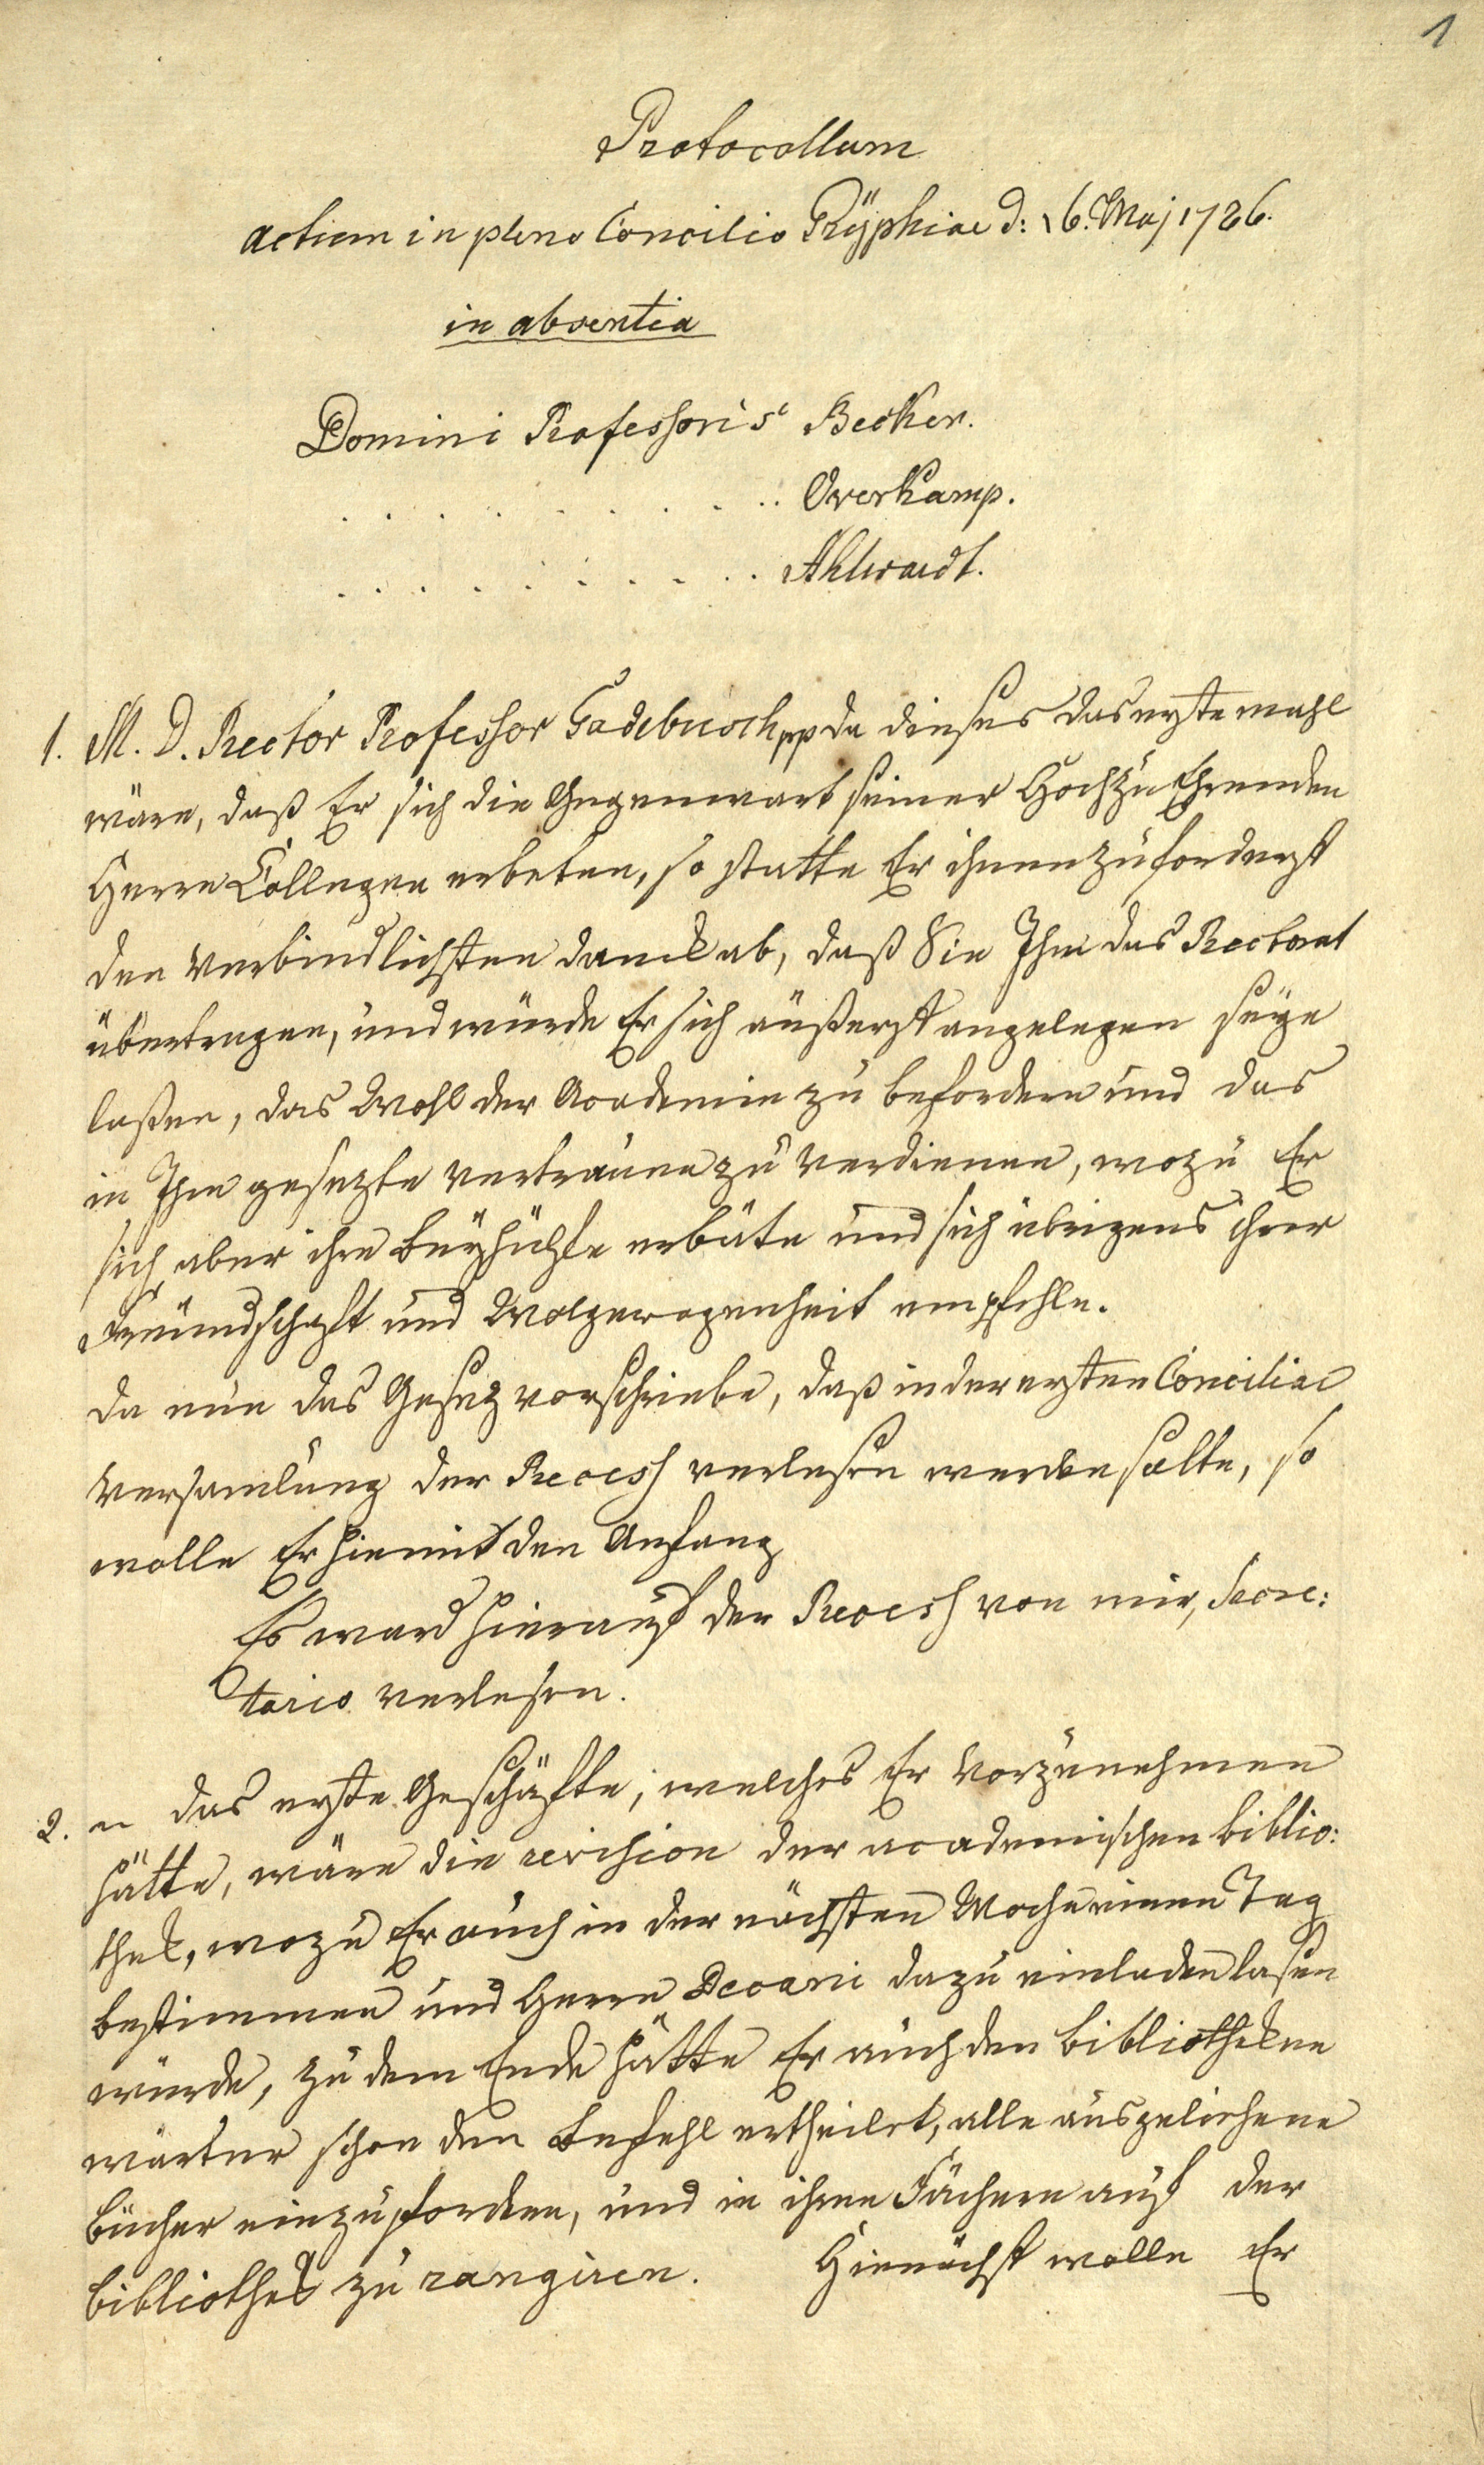Protocollum
Actum in pleno Concilio Grÿphiae d. 6. Maj 1786
in absentia
Domini Professoris Becker.
Overkamp.
Ahlwardt.
1. M. D. Rector Professor Gadebusch pp da dieses das erste mahl
wäre, daß Er sich die Gegenwart seiner HochzuEhrenden
Herrn Collegen erbeten, so statte Er ihnen zuforderst
den verbindlichsten Danck ab, daß Sie Ihm das Rectorat
übertragen, und würde Er sich äußerst angelegen seÿn
laßen, das Wohl der Academie zu befordern und das
in Ihm gesezte Vertrauen zu verdienen, wozu Er
sich aber ihre Beÿhülfe erbäte und sich übrigens ihrer
Freundschaft und Wolgewogenheit empfehle.
Da nun das Gesez vorschriebe, daß in der ersten Conciliar
Versamlung der Recess verlesen werden solte, so
wolle Er hiemit den Anfang
Er ward hierauf der Recess von mir Secre¬
torio verlesen.
2. das erste Geschäfte, welches Er vorzunehmen
hätte, wäre die revision der academischen Biblio¬
thek, wozu Er auch in der nächsten Woche einen Tag
bestimmen und Herrn Decani dazu einladen laßen
würde, zu dem Ende hätte Er auch dem Bibliotheken¬
wärter schon den Befehl ertheilet, alle aus geliehene
Bücher einzufordern, und in ihren Fächern auf der
Bibliothek zu rangiren Hienächst wolle Er